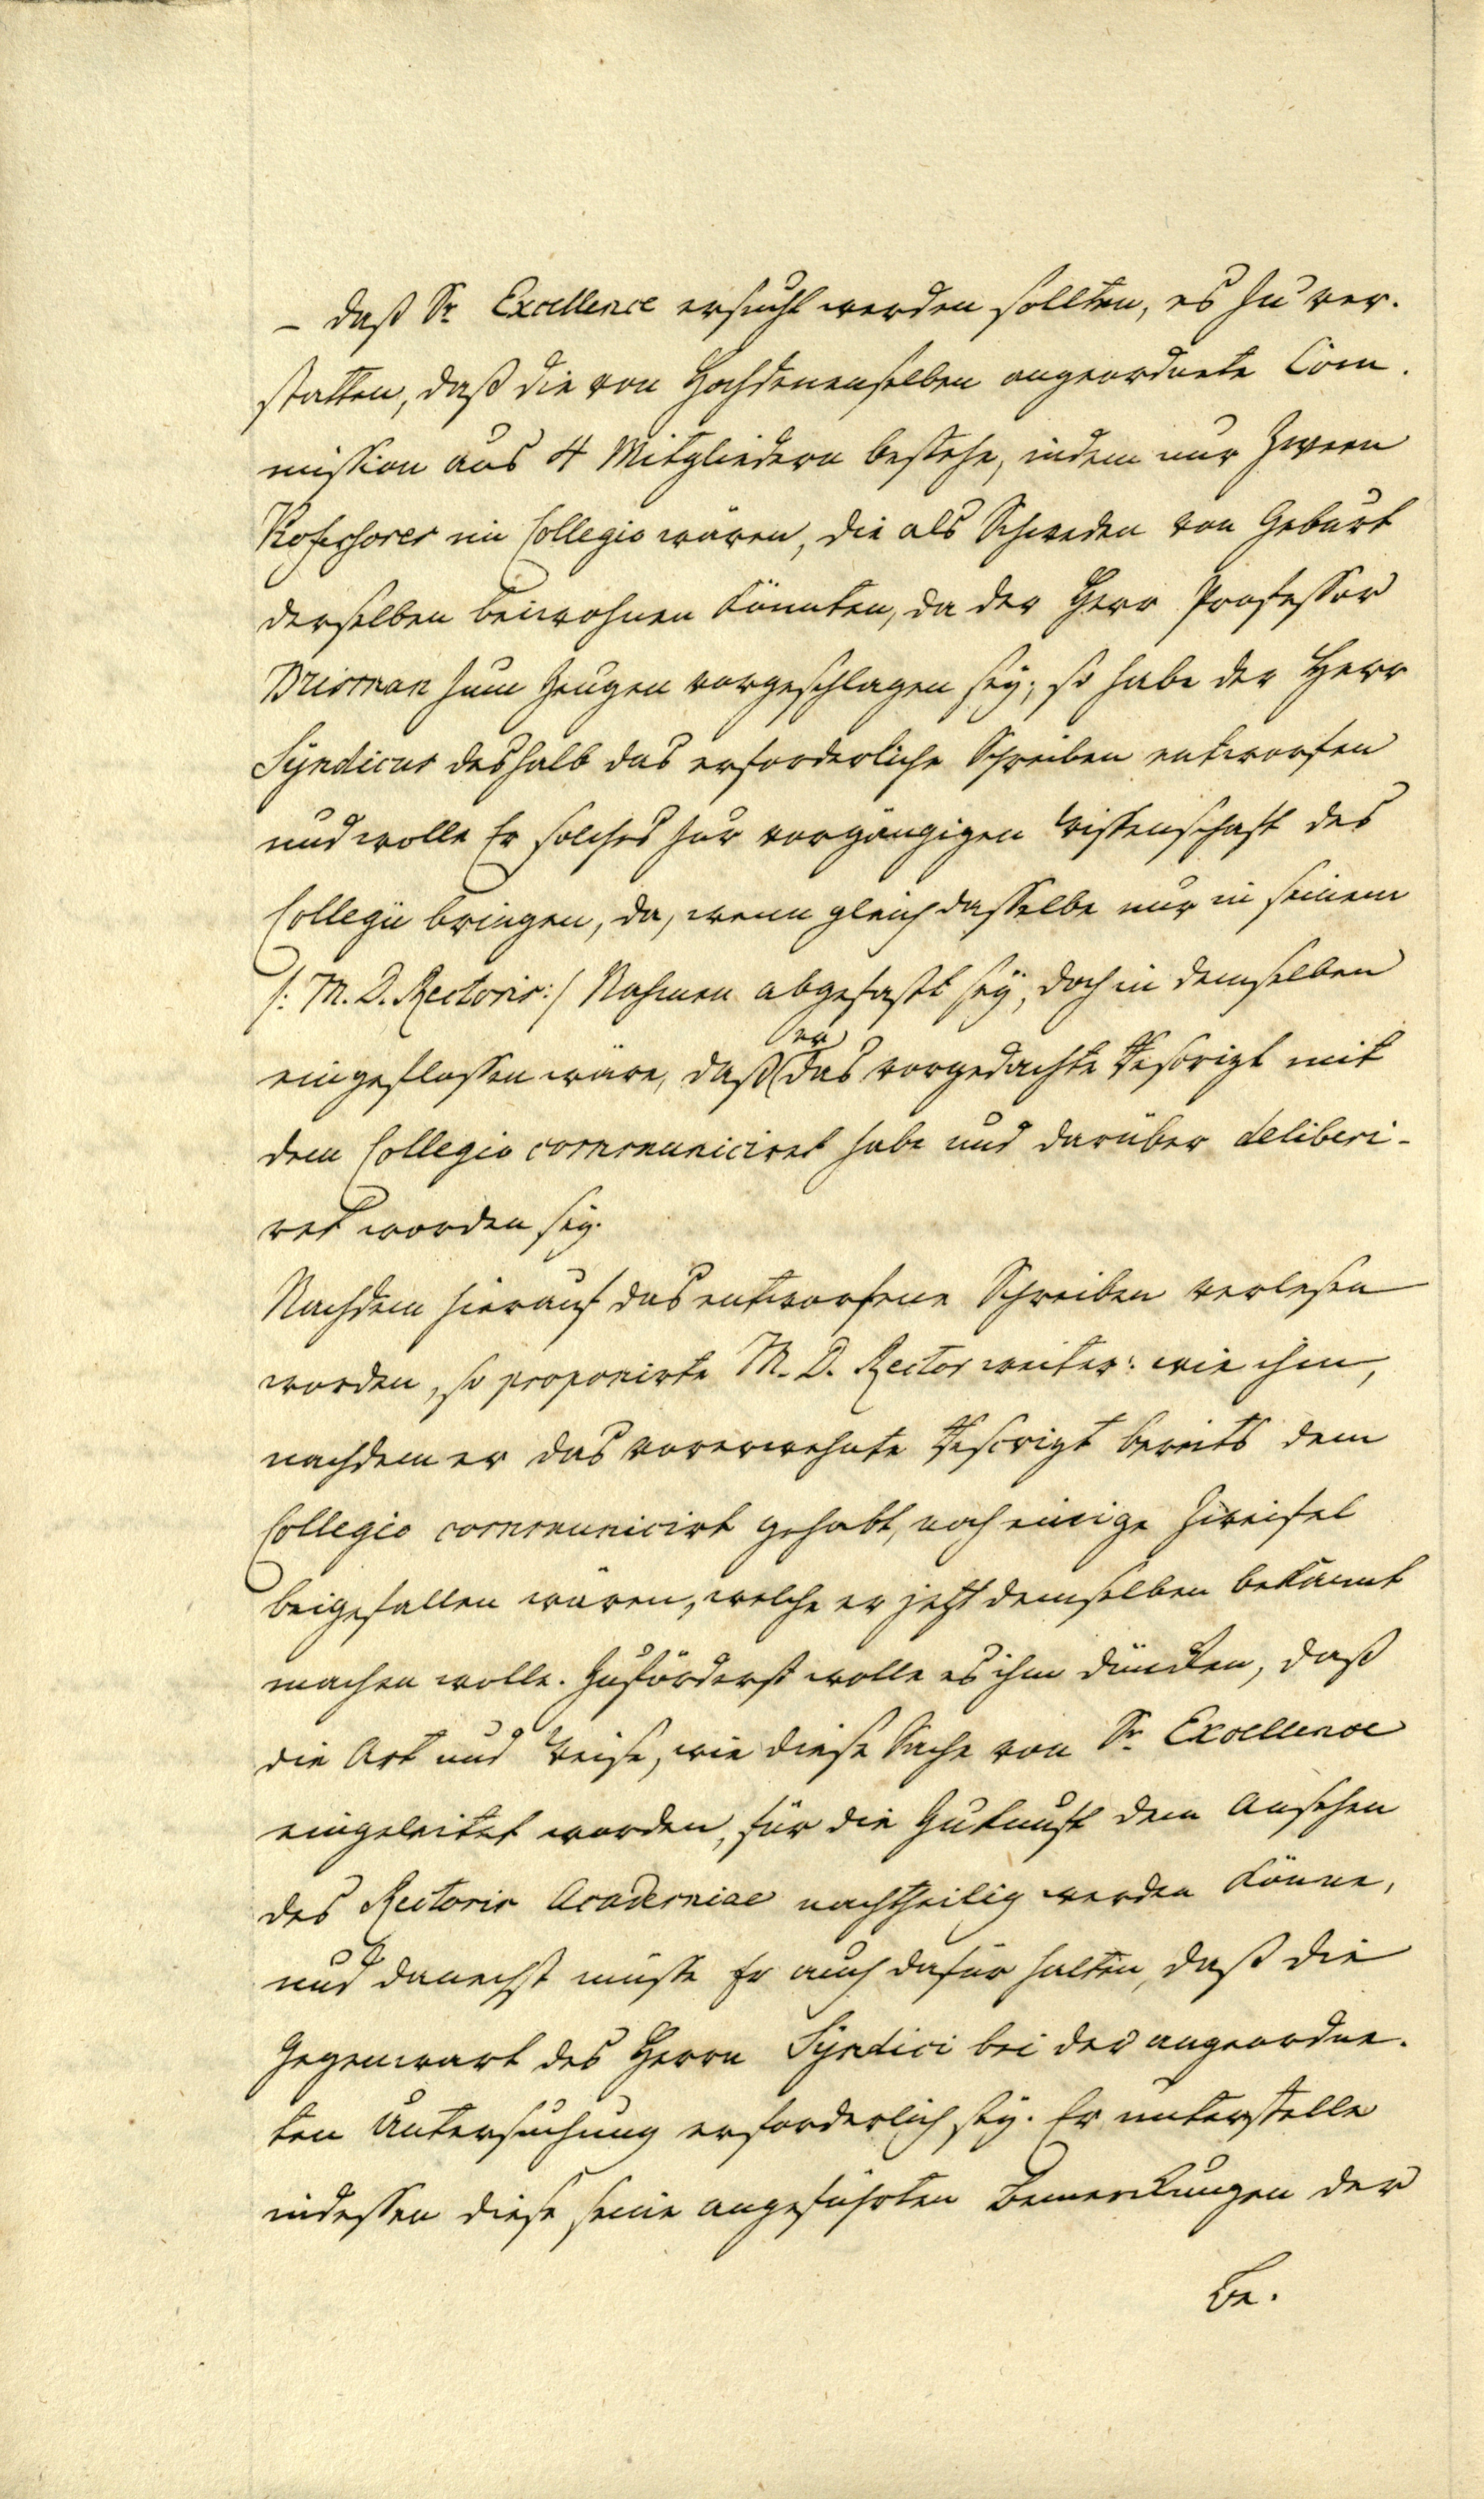— daß Sr Excellence ersucht werden sollten, es zu ver¬
statten, daß die von Hochdenenselben angeordnete Com¬
mission aus 4 Mitgliedern bestehe, indem nur Zween
Professores im Collegio wären, die als Schweden von Geburt
derselben beiwohnen könnten, da der Herr Professor
Brisman zum Zeugen vorgeschlagen seÿ; so habe der Herr
Sÿndicus deshalb das erforderliche Schreiben entworfen
und wolle Er solches zur vorgängigen Wissenschaft des
Collegii bringen, da, wenn gleich dasselbe nur im seinem
/: M. D. Rector:/ Nahmen abgefaßt seÿ, doch in demselben
eingeflossen wäre, daß er das vorgedachte Rescript mit
dem Collegio communiciret habe und darüber deliberi¬
ret worden seÿ.
Nachdem hierauf das entworfene Schreiben verlesen
worden, so proponirte M. D. Rector weiter: wie ihm,
nachdem er das vorerwehnte Rescript bereits dem
Collegio communicirt gehabt, noch einige Zweifel
eigefallen wären, welche er jetzt demselben bekannt
machen wolle. Zuförderst wolle es ihm düncken, daß
die Art und Weise, wie diese Sache von Sr Excellence
eingeleitet worden, für die Zukunft dem Ansehen
des Rectoris Academiae nachtheilig werden könne,
und danechst müsse Er auch dafür halten, daß die
Gegenwart des Herrn Sÿndici bei der angeordne¬
ten Untersuchung erforderlich seÿ. Er unterstelle
indessen diese seine angeführten Bemerckungen der
Be.